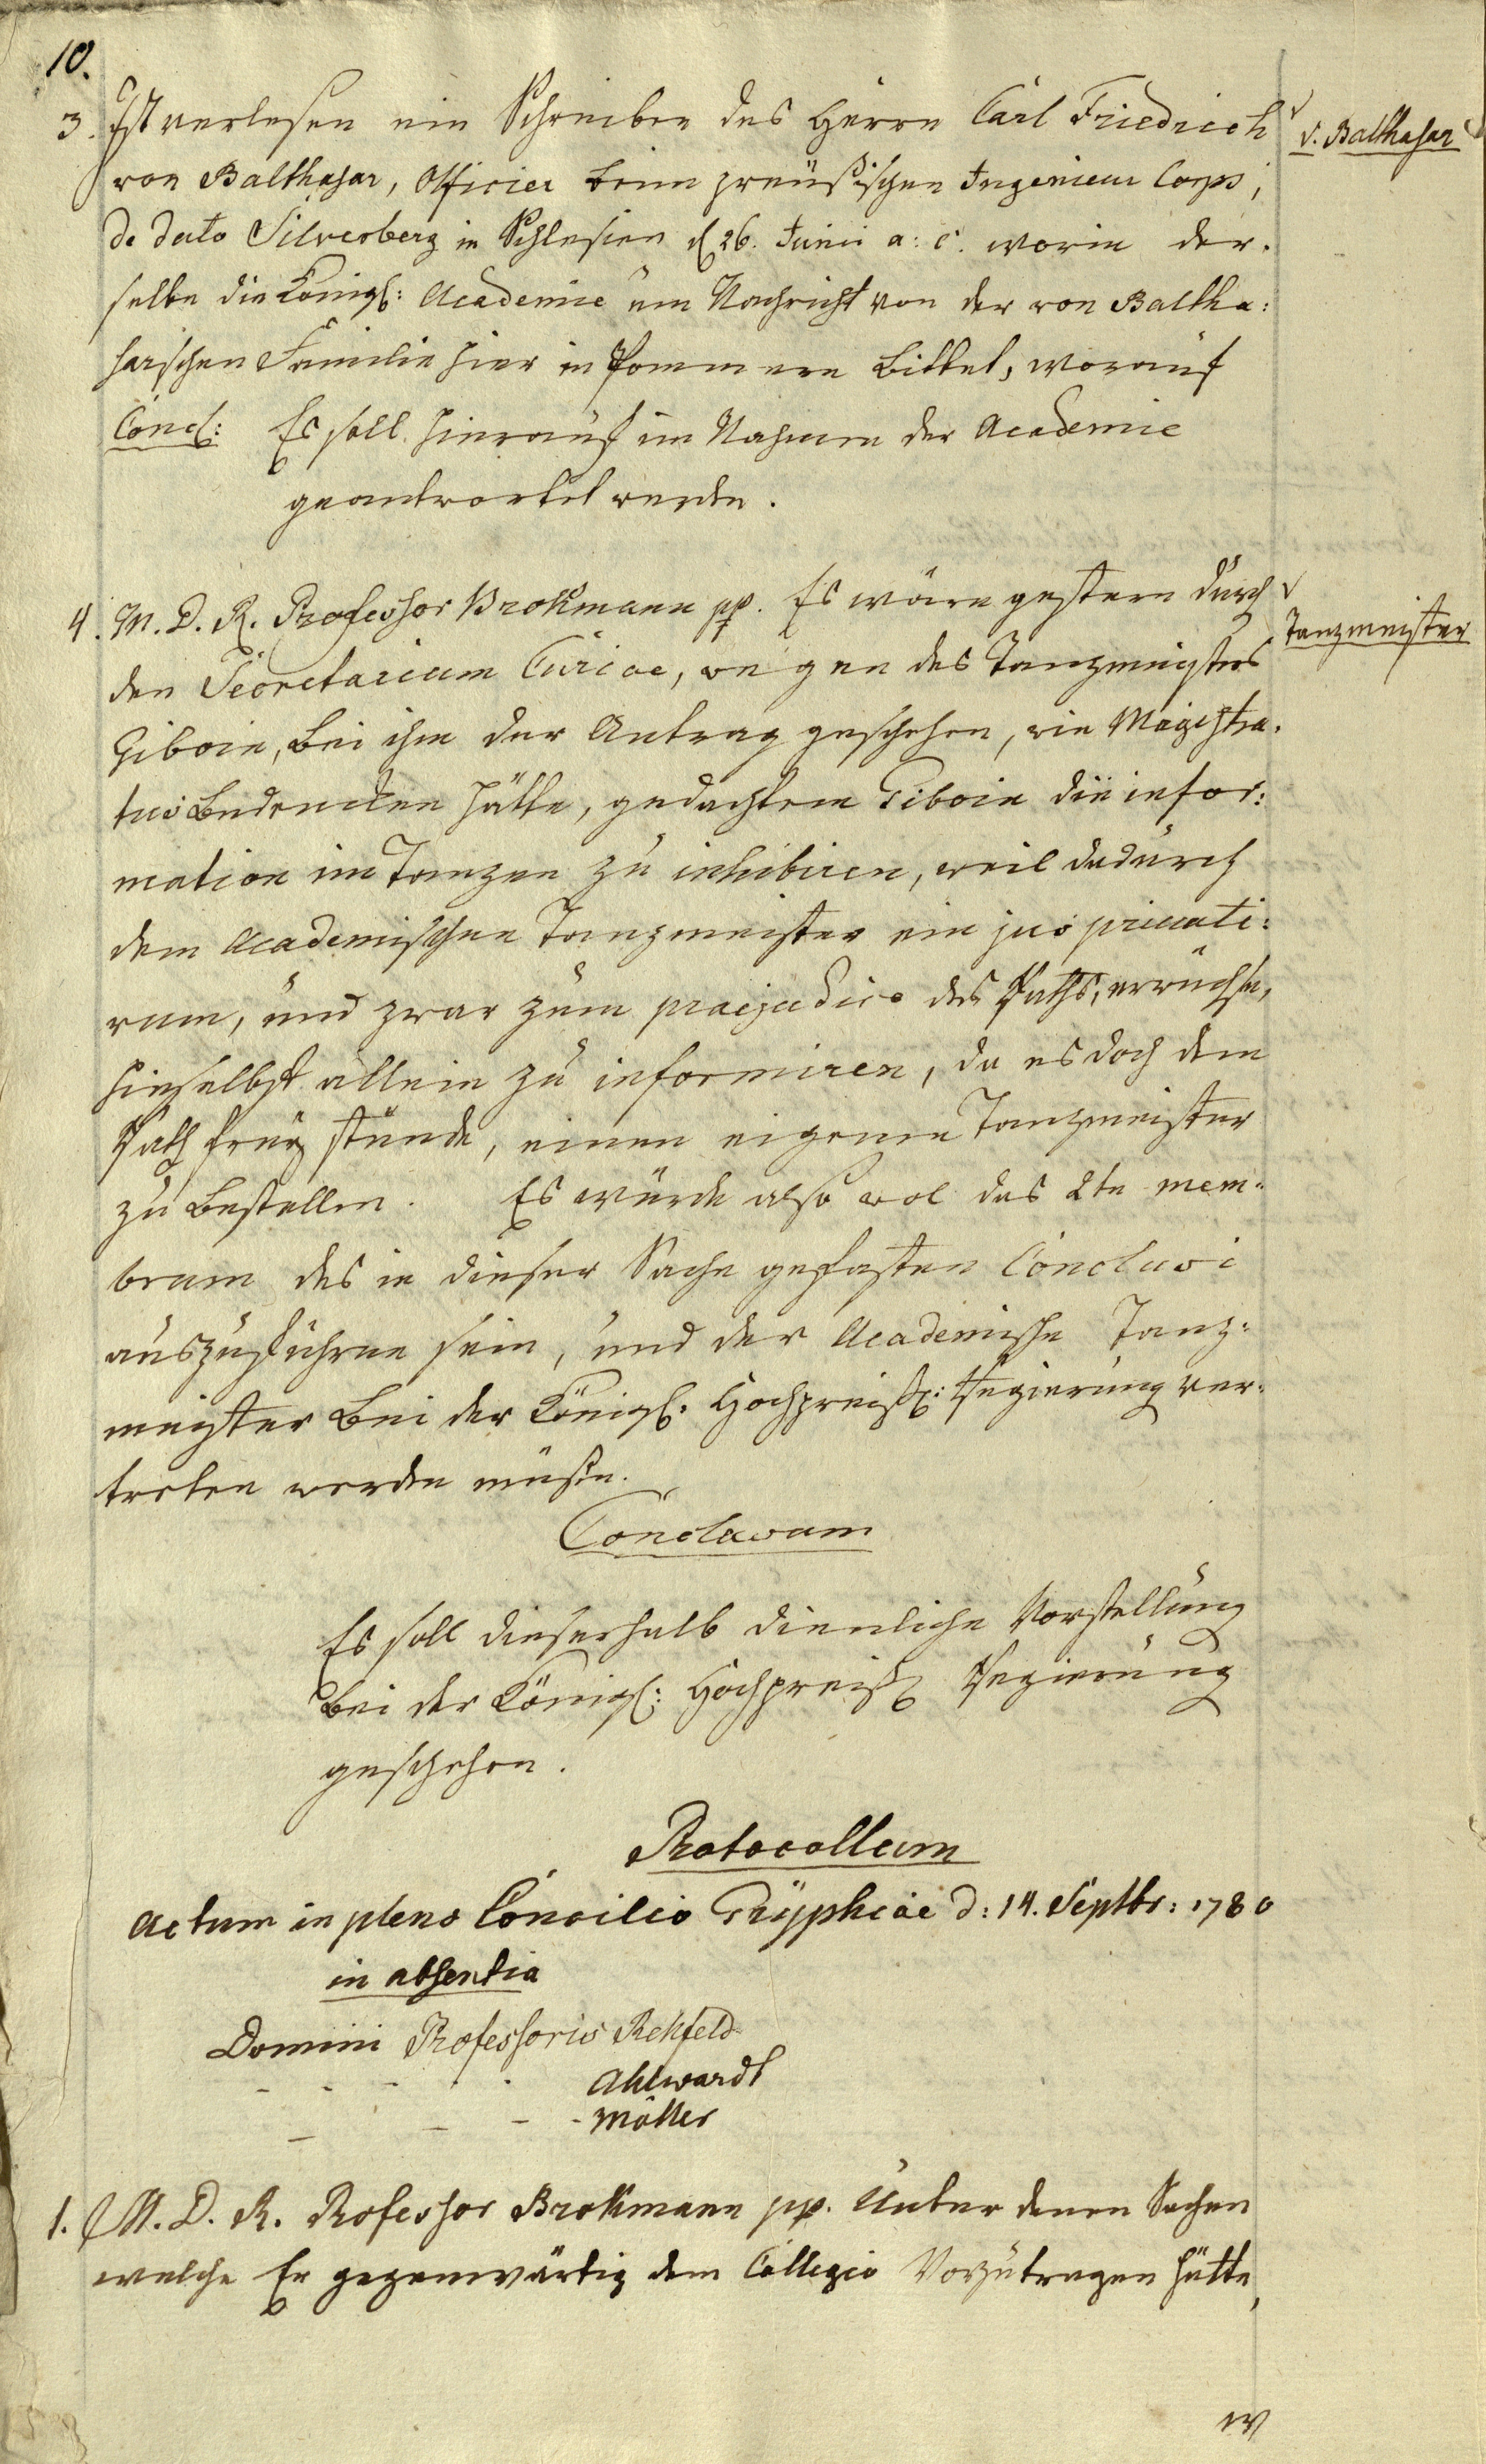3. Ist verlesen ein Schreiben des Herrn Carl Friedrich v. Balthasar
von Balthasar, Officier beim preußischen Ingenieur Corps;
de dato Silverberg in Schlesien d 26. Junii a. c. worin der¬
selbe die Königl. Academie um Nachricht von der Baltha¬
sarschen Familie hier in Pommern bittet, worauf
Concl: es soll hierauf im Nahmen der Academie
geantwortet werden.
4. M. D. R. Professor Brokmann pp. Es wäre gestern durch
den Secretarium Curiae, wegen des Tanzmeisters Tanzmeister
Giboin, bei ihm der Antrag geschehen, wie Magistra¬
tus Bedencken hätte, gedachtem Giboin die infor¬
mation im Tanzen zu inhibiren, weil dadurch
dem Academischen Tanzmeister ein jus privati¬
vum, und zwar zum praejudice des Raths, erwüchse,
hieselbst allein zu informiren, da es doch dem
Rath freÿ stünde, einen eigenen Tanzmeister
zu bestellen. Es würde also wohl das 2te mem¬
brum des in dieser Sache gefasten Conclusi
auszuführen sein, und der Academische Tanz¬
meister bei der Königl. Hochpreißl: Regierung ver¬
treten werden müßen.
Conclusum
Es soll dieserhalb dienliche Vorstellung
bei der Königl. Hochpreißl Regierung
geschehen.
Protocollum
Actum in pleno Concilio Grÿphiae d. 14. Septbr: 1780
in absentia
Domini Professoris Rehfeld
Ahlwardt
Möller
1. M. D. R. Professor Brokmann pp. Unter denen Sachen
welche Er gegenwärtig dem Collegio vorzutragen hätte,